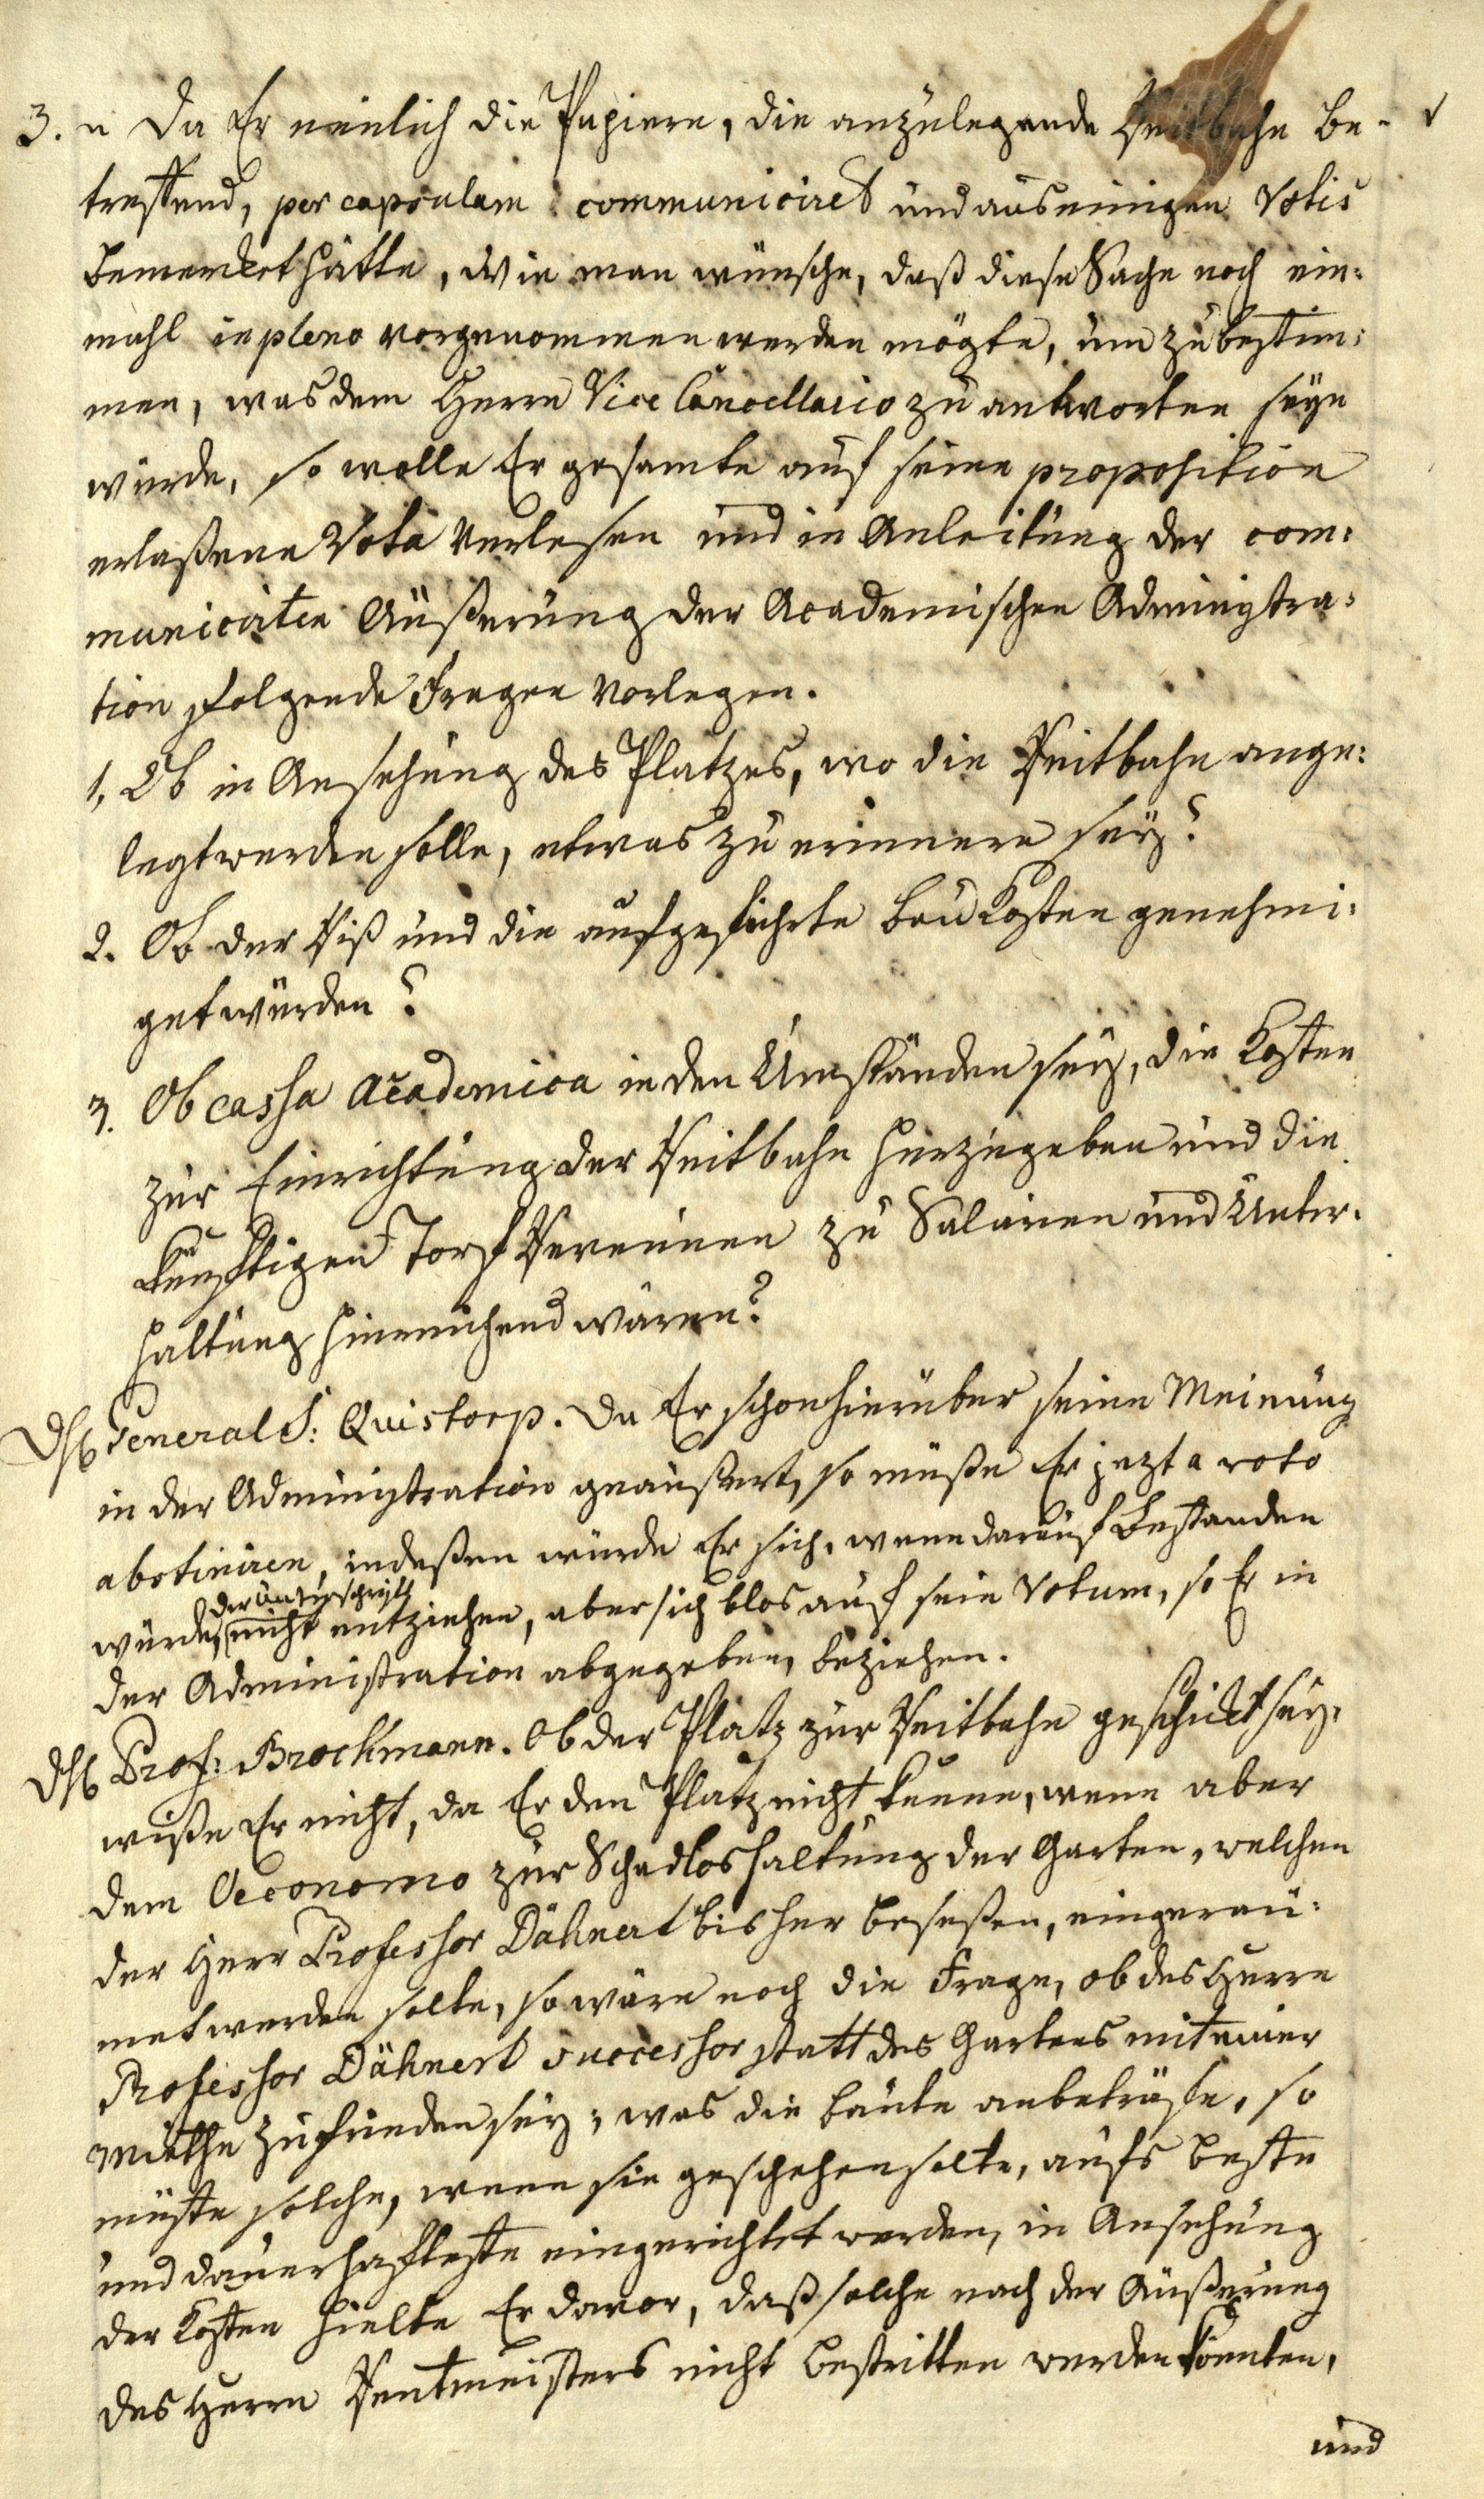3. Da Er neulich die Papiere, die anzulegende Reitbahn be¬
treffend, per capsulam communiciret und aus einigen votis
bemerket hätte, wie man wünsche, daß diese Sache noch ein¬
mahl in pleno vorgenommen werden mögte, dem zu bestim¬
man, was dem Herrn Vice Cancellario zu antworten seÿn
würde, so wolle Er gesamte auf seine proposition
erlaßene Vota verlesen und in Anleitung der com¬
municirten Äußerung der Academischen Administra¬
tion folgende Fragen vorlegen.
1 Ob in Ansehung des Platzes, wo die Reitbahn ange¬
legt werden solle, etwas zu erinnern seÿ?
2. Ob der Riß und die aufgeführte bei BauKosten genehmi¬
get würden?
3. Ob cassa Academica in den Umständen seÿ, die Kosten
zur Einrichtung der Reitbahn herzugeben und die
künftigen Torf Revenuen zu Salarien und Unter¬
haltung hinreichend wären?
dh GeneralS. Quistorp. Da Er schon hierüber seine Meinung
in der Administration äußert, so müße Er jezt a voto
abstiniren, indeßen würde Er sich, wenn darauf bestanden
würde der Unterschrift nicht entziehen, aber sich blos auf sein Votum, so Er in
der Administration abgegeben, beziehen.
dh. Prof. Brockmann. ob der Platz zur Reitbahn geschickt seÿ,
wüßte Er nicht, da Er den Platz nicht kenne, wenn aber
dem Oeconomo zur Schadloshaltung der Garten, welchen
der Herr Professor Dähnert bisher beseßen, eingeräu¬
met werden solte, so wäre noch die Frage, ob des Herrn
Professor Dähnert successor statt des Gartens mit einer
Miethe zufrieden seÿ, was die Baute anbeträfe, so
müste solche, wenn sie geschehen solte, aufs beste
und dauerhafteste eingerichtet werden, in Ansehung
der Kosten hielte Er davor, daß solche nach der Äußerung
des Herrn Rentmeisters nicht bestritten werden könnten,
und